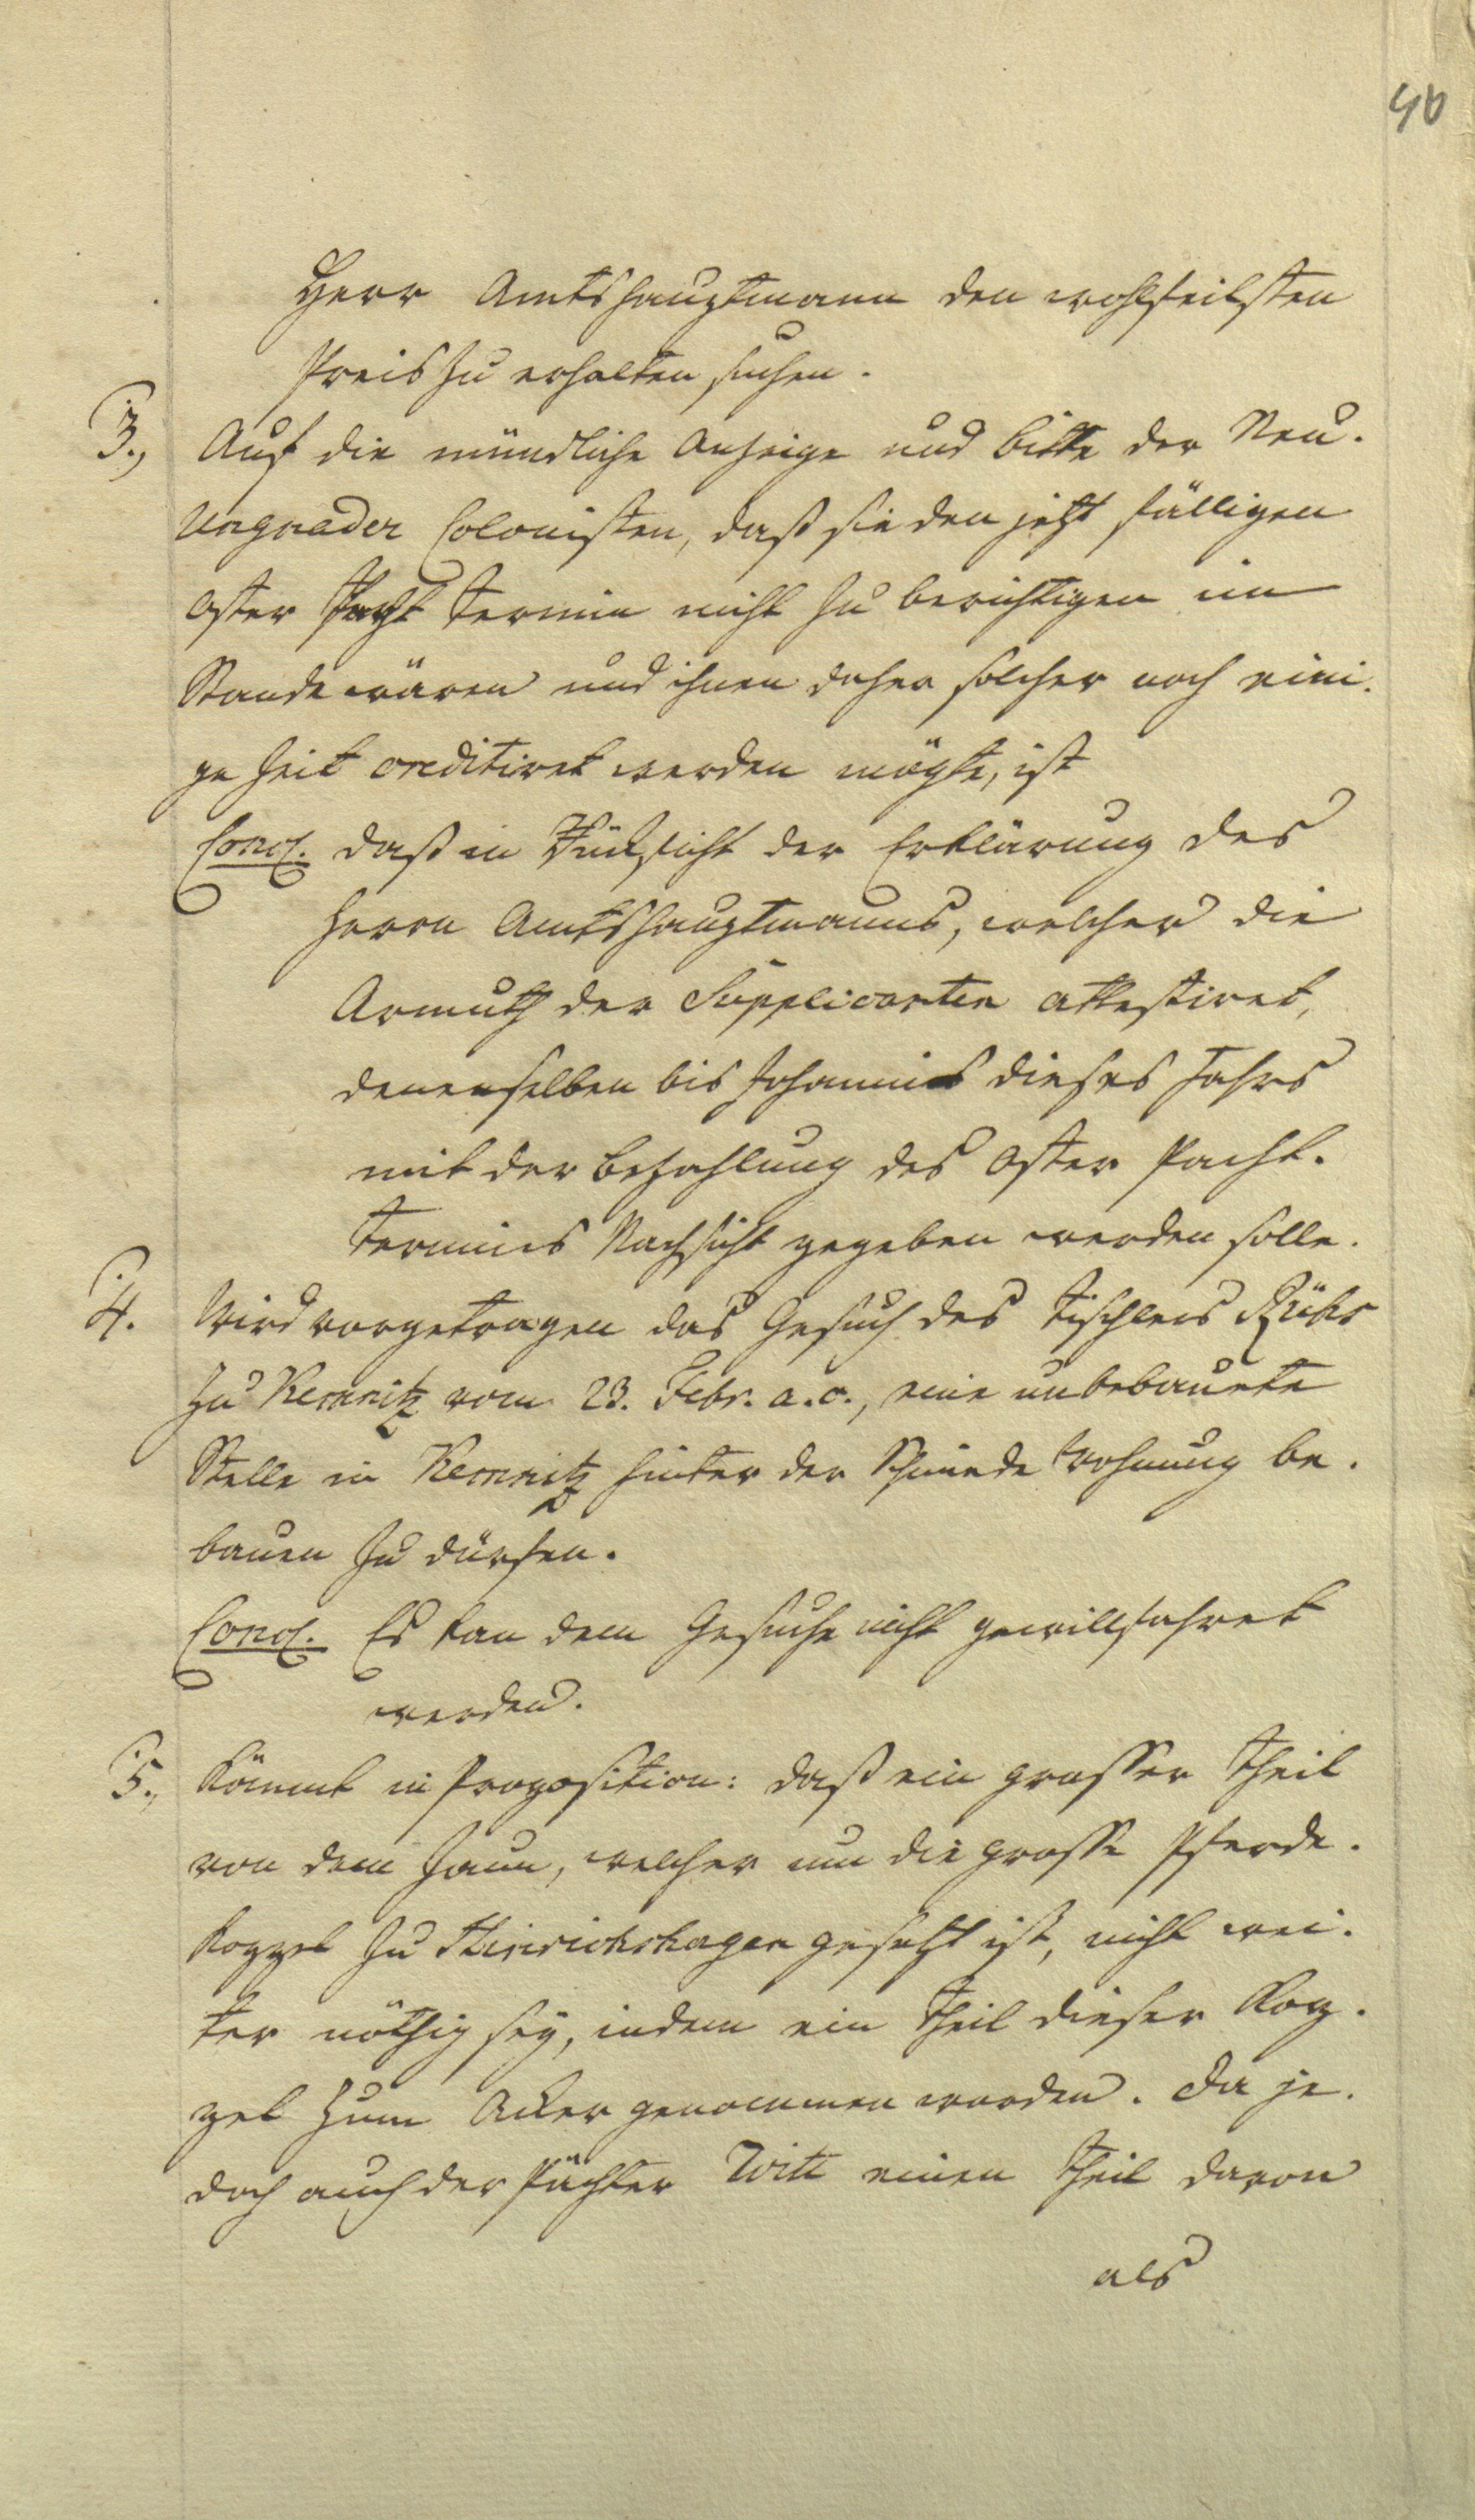Herr Amtshauptmann den wohlfeilsten
Preis zu erhalten suchen.
3., Auf die mündliche Anzeige und Bitte der Neu¬
Ungnader Colonisten, daß sie den jetzt fälligen
Oster Pacht Termin nicht zu berichtigen im
Stande wären und ihnen daher solcher noch eini¬
ge Zeit creditiret werden mögte, ist
Concl. daß in Rücksicht der Erklärung des
Herrn Amtshauptmanns, welcher die
Armuth der Supplicanten attestiret,
denenselben bis Johannis dieses Jahres
mit der Bezahlung des Oster Pacht¬
Termins Nachsicht gegeben werden solle.
4. Wird vorgetragen das Gesuch des Tischlers Rühs
zu Kemnitz vom 23. Febr. a. c., eine unbebauete
Stelle in Kemnitz hinter der Schmiede Wohnung be¬
bauen zu dürfen.
Concl. Es von dem Gesuche nicht gewillfahret
werden.
5. Kömmt in Proposition: daß ein grosser Theil
von dem Zaun, welcher um die grosse Pferde¬
koppel zu Hinrichshagen gesetzt ist, nicht wei¬
ter nöthig seÿ, indem ein Theil dieser Kop¬
pel zum Acker genommen worden. Da je¬
doch auch der Pächter Witt einen Theil davon
als